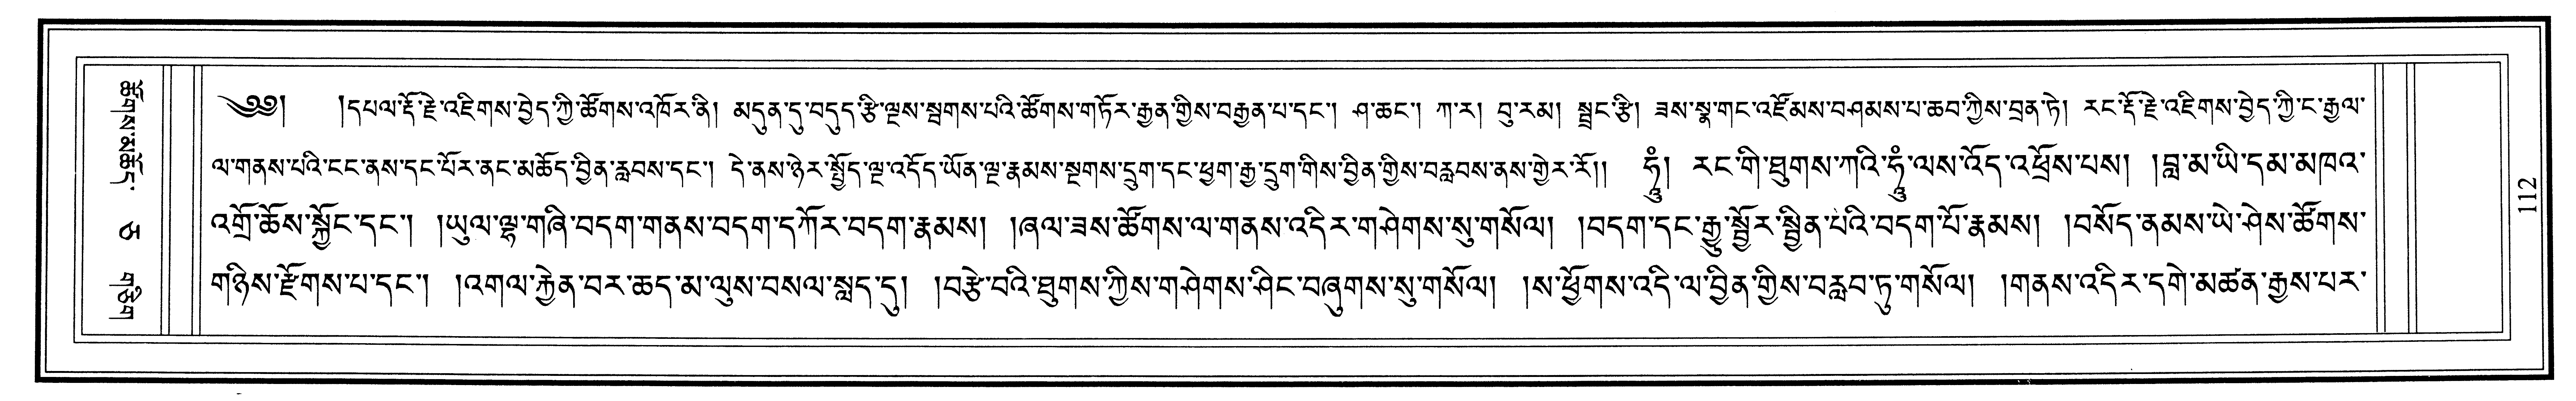༄༅། །དཔལ་རྡོ་རྗེ་འཇིགས་བྱེད་ཀྱི་ཚོགས་འཁོར་ནི། མདུན་དུ་བདུད་རྩི་ལྔས་སྦགས་པའི་ཚོགས་གཏོར་རྒྱན་གྱིས་བརྒྱན་པ་དང་། ཤ་ཆང་། ཀ་ར། བུ་རམ། སྦྲང་རྩི། ཟས་སྣ་གང་འཛོམས་བཤམས་པ་ཆབ་ཀྱིས་བྲན་ཏེ། རང་རྡོ་རྗེ་འཇིགས་བྱེད་ཀྱི་ང་རྒྱལ་
ལ་གནས་པའི་ངང་ནས་དང་པོར་ནང་མཆོད་བྱིན་རླབས་དང་། དེ་ནས་ཉེར་སྤྱོད་ལྔ་འདོད་ཡོན་ལྔ་རྣམས་སྔགས་དྲུག་དང་ཕྱག་རྒྱ་དྲུག་གིས་བྱིན་གྱིས་བརླབས་ནས་གྱེར་རོ།། ཧཱུཾ་རང་གི་ཐུགས་ཀའི་ཧཱུཾ་ལས་འོད་འཕྲོས་པས། །བླ་མ་ཡི་དམ་མཁའ་
འགྲོ་ཆོས་སྐྱོང་དང་། །ཡུལ་ལྷ་གཞི་བདག་གནས་བདག་དཀོར་བདག་རྣམས། །ཞལ་ཟས་ཚོགས་ལ་གནས་འདིར་གཤེགས་སུ་གསོལ། །བདག་དང་རྒྱུ་སྦྱོར་སྦྱིན་པའི་བདག་པོ་རྣམས། །བསོད་ནམས་ཡེ་ཤེས་ཚོགས་
གཉིས་རྫོགས་པ་དང་། །འགལ་རྐྱེན་བར་ཆད་མ་ལུས་བསལ་སླད་དུ། །བརྩེ་བའི་ཐུགས་ཀྱིས་གཤེགས་ཤིང་བཞུགས་སུ་གསོལ། །ས་ཕྱོགས་འདི་ལ་བྱིན་གྱིས་བརླབ་ཏུ་གསོལ། །གནས་འདིར་དགེ་མཚན་རྒྱས་པར་